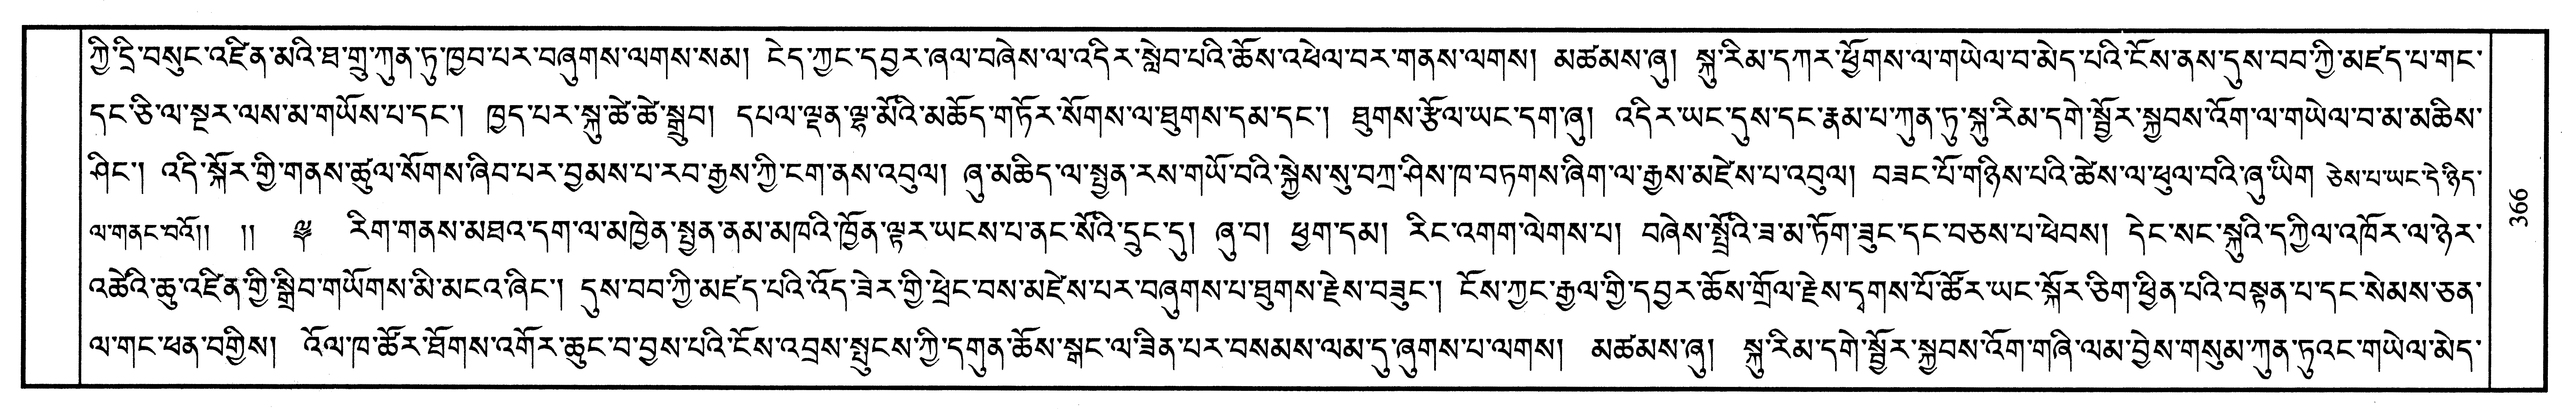ཀྱི་དྲི་བསུང་འཛིན་མའི་ཐ་གྲུ་ཀུན་ཏུ་ཁྱབ་པར་བཞུགས་ལགས་སམ། ངེད་ཀྱང་དབྱར་ཞལ་བཞེས་ལ་འདིར་སླེབ་པའི་ཆོས་འཕེལ་བར་གནས་ལགས། མཚམས་ཞུ། སྐུ་རིམ་དཀར་ཕྱོགས་ལ་གཡེལ་བ་མེད་པའི་ངོས་ནས་དུས་བབ་ཀྱི་མཛད་པ་གང་
དང་ཅི་ལ་སྔར་ལས་མ་གཡོས་པ་དང་། ཁྱད་པར་སྐུ་ཚེ་ཚེ་སྒྲུབ། དཔལ་ལྡན་ལྷ་མོའི་མཆོད་གཏོར་སོགས་ལ་ཐུགས་དམ་དང་། ཐུགས་རྩོལ་ཡང་དག་ཞུ། འདིར་ཡང་དུས་དང་རྣམ་པ་ཀུན་ཏུ་སྐུ་རིམ་དགེ་སྦྱོར་སྐྱབས་འོག་ལ་གཡེལ་བ་མ་མཆིས་
ཤིང་། འདི་སྐོར་གྱི་གནས་ཚུལ་སོགས་ཞིབ་པར་བྱམས་པ་རབ་རྒྱས་ཀྱི་ངག་ནས་འབུལ། ཞུ་མཆིད་ལ་སྤྱན་རས་གཡོ་བའི་སྐྱེས་སུ་བཀྲ་ཤིས་ཁ་བཏགས་ཞིག་ལ་རྒྱས་མཛེས་པ་འབུལ། བཟང་པོ་གཉིས་པའི་ཚེས་ལ་ཕུལ་བའི་ཞུ་ཡིག་ཅེས་པ་ཡང་དེ་ཉིད་
ལ་གནང་བའོ།། །། ༈ རིག་གནས་མཐའ་དག་ལ་མཁྱེན་སྤྱན་ནམ་མཁའི་ཁྱོན་ལྟར་ཡངས་པ་ནང་སོའི་དྲུང་དུ། ཞུ་བ། ཕྱག་དམ། རིང་འགག་ལེགས་པ། བཞེས་སྤྲོའི་ཟ་མ་ཏོག་ཟུང་དང་བཅས་པ་ཕེབས། དེང་སང་སྐུའི་དཀྱིལ་འཁོར་ལ་ཉེར་
འཚེའི་ཆུ་འཛིན་གྱི་སྒྲིབ་གཡོགས་མི་མངའ་ཞིང་། དུས་བབ་ཀྱི་མཛད་པའི་འོད་ཟེར་གྱི་ཕྲེང་བས་མཛེས་པར་བཞུགས་པ་ཐུགས་རྗེས་བཟུང་། ངོས་ཀྱང་རྒྱལ་གྱི་དབྱར་ཆོས་གྲོལ་རྗེས་དྭགས་པོ་ཚོར་ཡང་སྐོར་ཅིག་ཕྱིན་པའི་བསྟན་པ་དང་སེམས་ཅན་
ལ་གང་ཕན་བགྱིས། འོལ་ཁ་ཚོར་ཐོགས་འགོར་ཆུང་བ་བྱས་པའི་ངོས་འབྲས་སྤུངས་ཀྱི་དགུན་ཆོས་སྒང་ལ་ཟིན་པར་བསམས་ལམ་དུ་ཞུགས་པ་ལགས། མཚམས་ཞུ། སྐུ་རིམ་དགེ་སྦྱོར་སྐྱབས་འོག་གཞི་ལམ་བྱེས་གསུམ་ཀུན་ཏུའང་གཡེལ་མེད་